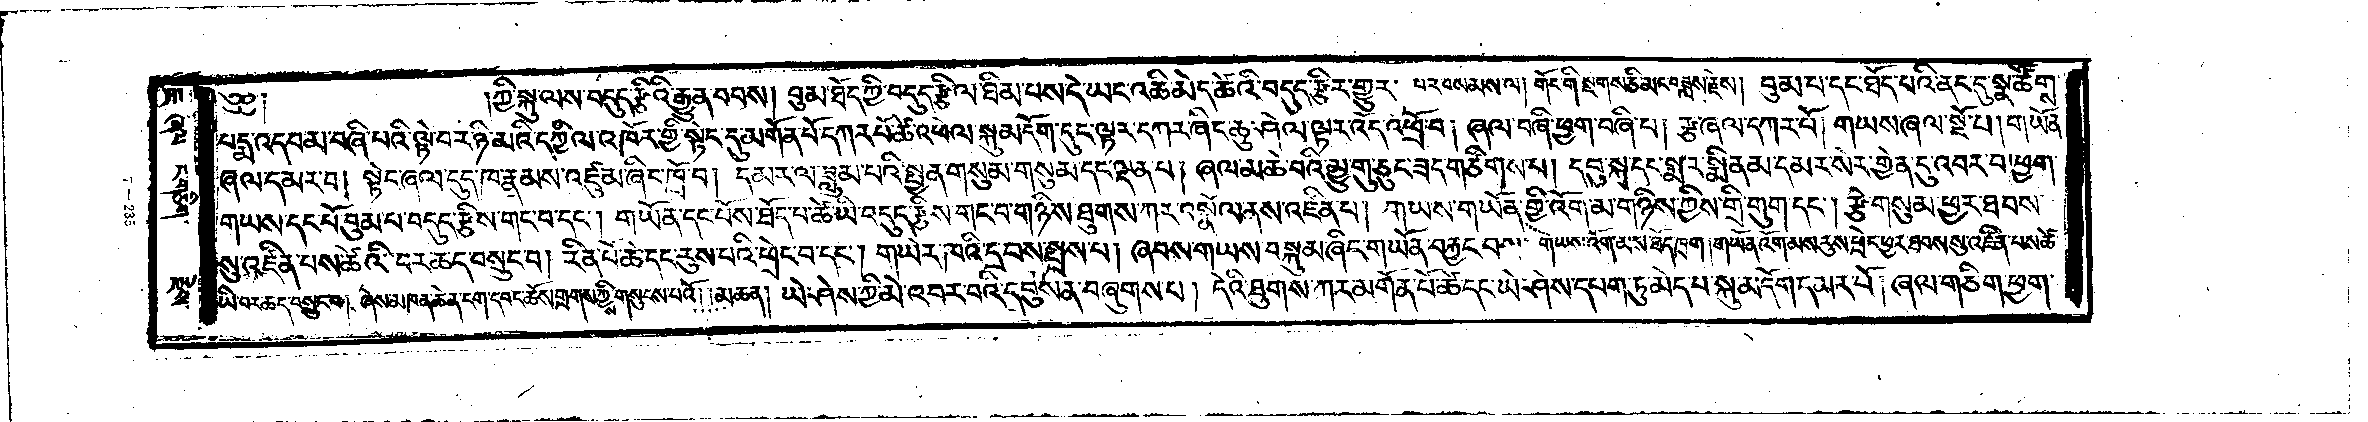༄༅། །ཀྱི་སྐུ་ལས་བདུད་རྩིའི་རྒྱུན་བབས། བུམ་ཐོད་ཀྱི་བདུད་རྩིལ་ཐིམ་པས་དེ་ཡང་འཆི་མེད་ཚེའི་བདུད་རྩིར་གྱུར་པར་བསམས་ལ། གོང་གི་སྔགས་ཅི་མང་བཟླས་རྗེས། བུམ་པ་དང་ཐོད་པའི་ནང་དུ་སྣ་ཚོགས་
པདམ་འདབ་མ་བཞི་བའི་ལྟེ་བར་ཉི་མའི་དཀྱིལ་འཁོར་གྱི་སྟེང་དུ་མགོན་པོ་དཀར་པོ་ཚེ་འཕེལ་སྐུ་མདོག་དུང་ལྟར་དཀར་ཞིང་ཆུ་ཤེལ་ལྟར་འོད་འཕྲོ་བ། ཞལ་བཞི་ཕྱག་བཞི་བ། རྩ་ཞལ་དཀར་པོ། གཡས་ཞལ་སྔོ་པ། གཡོན་
ཞལ་དམར་བ། སྟེང་ཞལ་དུད་ཁ་རྣམས་འཛུམ་ཞིང་ཁྲོ་བ། དམར་ལ་ཟླུམ་པའི་སྤྱན་གསུམ་གསུམ་དང་ལྡན་པ། ཞལ་མཆེ་བའི་མྱུ་གུ་ཅུང་ཟད་གཙིགས་པ། དབུ་སྐྲ་དང་སྨར་སྨིན་མ་དམར་སེར་གྱེན་དུ་འབར་བ། ཕྱག་
གཡས་དང་པོ་བུམ་པ་བདུད་རྩིས་གང་བ་དང་། གཡོན་དང་བོས་ཐོད་པ་ཚེ་ཡི་བདུད་རྩིས་གང་བ་གཉིས་ཐུགས་ཀར་བསྣོལ་ནས་འཛིན་པ། གཡས་གཡོངཡས་འོག་མས་ཐོད་ཁྲག་གྱི་འོག་མ་གཉིས་ཀྱིས་གྲི་གུག་དང་། རྩེ་གསུམ་ཕྱར་ཐབས་
སུ་འཛིན་པས་ཚེའི་བར་ཆད་བསྲུང་བ། རིན་པོ་ཆེ་དང་རུས་པའི་ཕྲེང་བ་དང་། གཡེར་ཁའི་དྲ་བས་སྤྲས་པ། ཞབས་གཡས་བསྐུམ་ཞིང་གཡོན་བརྐྱང་པས་།གཡོན་འོག་མས་རུས་ཕྲེང་ཕྱར་ཐབས་སུ་འཛིན་པས་ཚེ་
ཡི་བར་ཆད་བསྲུང་བ། ཞེས་མཁན་ཆེན་ངག་དབང་ཆོས་གྲགས་ཀྱིས་གསུངས་པའོ། །མཆན། ཡེ་ཤེས་ཀྱི་མེ་འབར་བའི་དབུས་ན་བཞུགས་པ། དེའི་ཐུགས་ཀར་མགོན་པོ་ཚེ་དང་ཡེ་ཤེས་དཔག་ཏུ་མེད་བ་སྐུ་མདོག་དམར་པོ། ཞལ་གཅིག་ཕྱག་